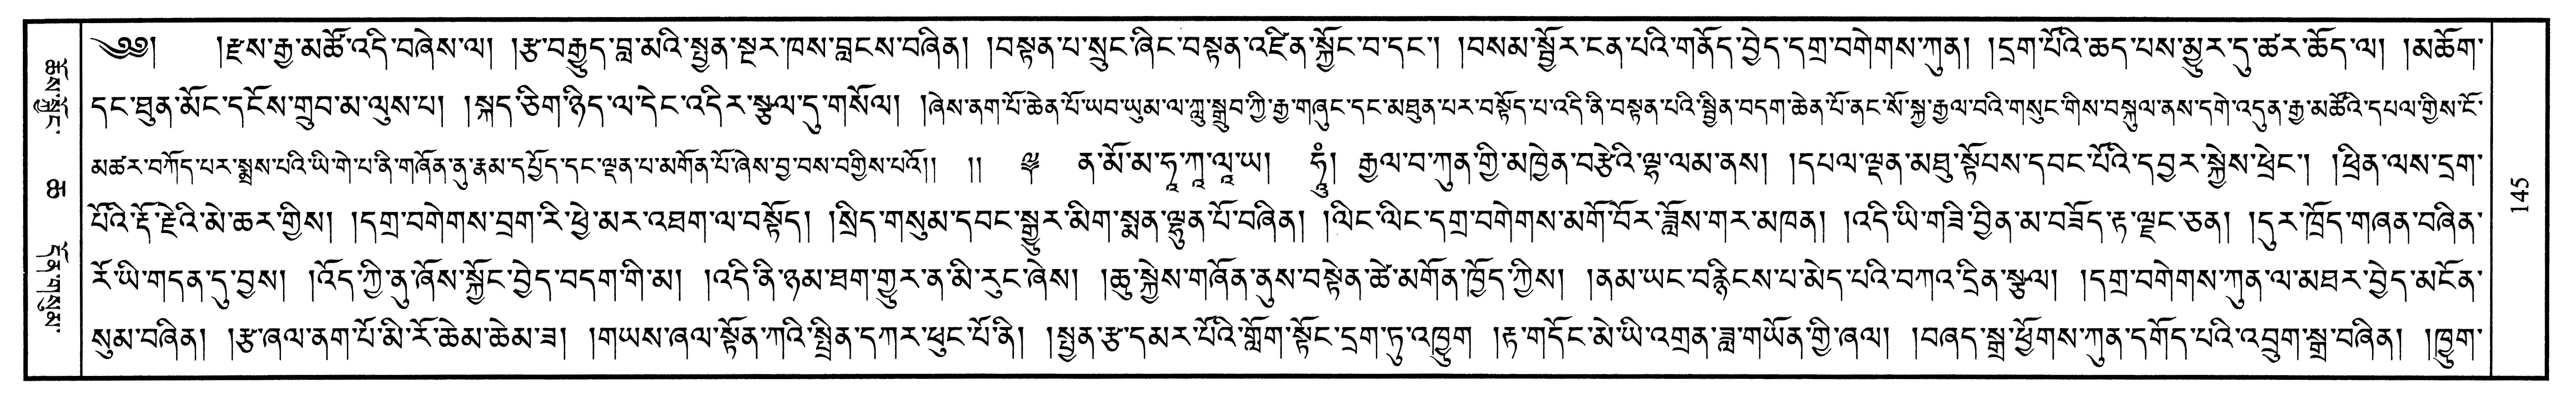༄༅། །རྫས་རྒྱ་མཚོ་འདི་བཞེས་ལ། །རྩ་བརྒྱུད་བླ་མའི་སྤྱན་སྔར་ཁས་བླངས་བཞིན། །བསྟན་པ་སྲུང་ཞིང་བསྟན་འཛིན་སྐྱོང་བ་དང་། །བསམ་སྦྱོར་ངན་པའི་གནོད་བྱེད་དགྲ་བགེགས་ཀུན། །དྲག་པོའི་ཆད་པས་མྱུར་དུ་ཚར་ཆོད་ལ། །མཆོག་
དང་ཐུན་མོང་དངོས་གྲུབ་མ་ལུས་པ། །སྐད་ཅིག་ཉིད་ལ་དེང་འདིར་སྩལ་དུ་གསོལ། །ཞེས་ནག་པོ་ཆེན་པོ་ཡབ་ཡུམ་ལ་ཀླུ་སྒྲུབ་ཀྱི་རྒྱ་གཞུང་དང་མཐུན་པར་བསྟོད་པ་འདི་ནི་བསྟན་པའི་སྦྱིན་བདག་ཆེན་པོ་ནང་སོ་སྐྱ་རྒྱལ་བའི་གསུང་གིས་བསྐུལ་ནས་དགེ་འདུན་རྒྱ་མཚོའི་དཔལ་གྱིས་ངོ་
མཚར་བཀོད་པར་སྨྲས་པའི་ཡི་གེ་པ་ནི་གཞོན་ནུ་རྣམ་དཔྱོད་དང་ལྡན་པ་མགོན་པོ་ཞེས་བྱ་བས་བགྱིས་པའོ།། །། ༈ ན་མོ་མ་ཧཱ་ཀཱ་ལཱ་ཡ། ཧཱུཾ། རྒྱལ་བ་ཀུན་གྱི་མཁྱེན་བརྩེའི་ལྷ་ལམ་ནས། །དཔལ་ལྡན་མཐུ་སྟོབས་དབང་པོའི་དབྱར་སྐྱེས་ཕྲེང་། །ཕྲིན་ལས་དྲག་
པོའི་རྡོ་རྗེའི་མེ་ཆར་གྱིས། །དགྲ་བགེགས་བྲག་རི་ཕྱེ་མར་འཐག་ལ་བསྟོད། །སྲིད་གསུམ་དབང་སྒྱུར་མིག་སྨན་ལྷུན་པོ་བཞིན། །ལིང་ལིང་དགྲ་བགེགས་མགོ་བོར་ཟློས་གར་མཁན། །འདི་ཡི་གཟི་བྱིན་མ་བཟོད་རྟ་ལྗང་ཅན། །དུར་ཁྲོད་གཞན་བཞིན་
རོ་ཡི་གདན་དུ་བྱས། །འོད་ཀྱི་ནུ་ཞོས་སྐྱོང་བྱེད་བདག་གི་མ། །འདི་ནི་ཉམ་ཐག་གྱུར་ན་མི་རུང་ཞེས། །ཆུ་སྐྱེས་གཞོན་ནུས་བསྟེན་ཚེ་མགོན་ཁྱོད་ཀྱིས། །ནམ་ཡང་བརྙིངས་པ་མེད་པའི་བཀའ་དྲིན་སྩལ། །དགྲ་བགེགས་ཀུན་ལ་མཐར་བྱེད་མངོན་
སུམ་བཞིན། །རྩ་ཞལ་ནག་པོ་མི་རོ་ཆེམ་ཆེམ་ཟ། །གཡས་ཞལ་སྟོན་ཀའི་སྤྲིན་དཀར་ཕུང་པོ་ནི། །སྤྱན་རྩ་དམར་པོའི་གློག་སྟོང་དྲག་ཏུ་འཁྱུག །རྟ་གདོང་མེ་ཡི་འགྲན་ཟླ་གཡོན་གྱི་ཞལ། །བཞད་སྒྲ་ཕྱོགས་ཀུན་དགོད་པའི་འབྲུག་སྒྲ་བཞིན། །ཁྱུག་